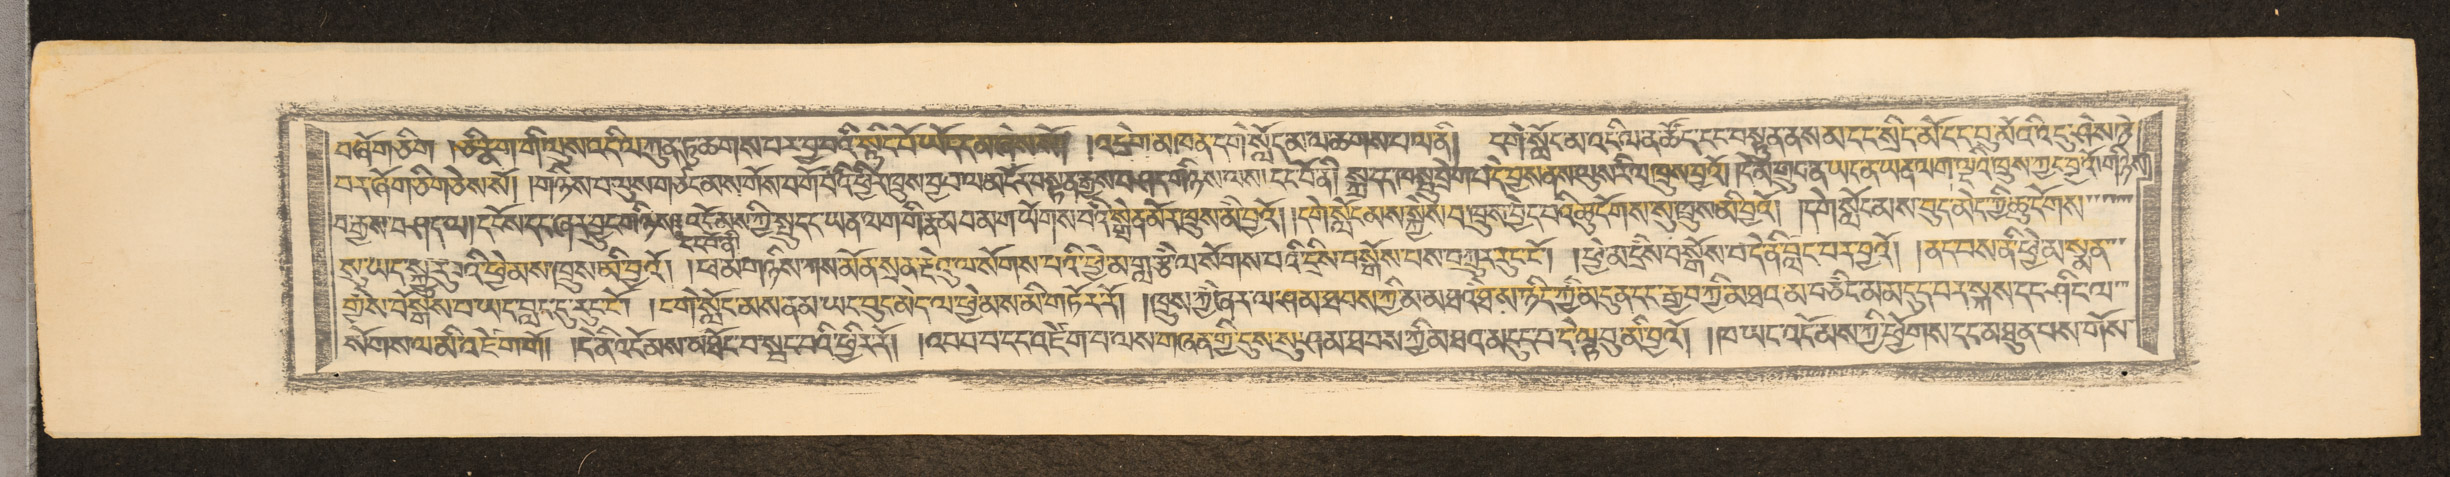བཞོག་ཅིག །ཅི་རྣག་གི་ལུས་འདི་ལ་ཀུན་ཏུ་ཆགས་པར་བྱ་བའི་སྙིང་པོ་ཡོད་དམ་ཞེས་སོ། །འདྲེག་མཁན་དགེ་སློང་མ་ལ་ཆགས་པ་ལ་ནི། དགེ་སློང་མ་འདི་ལ་ན་ཚོང་དང་བསྟུན་ནས་མ་དང་སྲིང་མོ་དང་བུ་མོའི་འདུ་ཤེས་ཉེ་
བར་ཞོག་ཅིག་ཅེས་སོ། །གཉིས་པ་ལུས་གཙང་མས་གོས་བགོ་བའི་ཕྱིར་ཁྲུས་བྱ་བ་ལ་མདོར་བསྟན་རྒྱས་བཤད་གཉིས་ལས། དང་པོ་ནི། སྐྲ་དང་ཁ་སྤུ་བྲེག་པ་དེ་བྱས་ནས་ལུས་རིལ་བྲུས་བྱའོ། །དེ་མ་གྲུབ་ན་ཡང་ན་ཡན་ལག་ལྔའི་ཁྲུས་ཀྱང་བྱའོ། གཉིས་
བ་རྒྱས་བཤད་ལ། དངོས་དང་ཞར་བྱུང་གཉིས་དང་པོ་ནི།  འོངས་ཀྱི་སྤུ་དང་ཡན་ལག་གི་རྣམ་བ་མ་གཡོགས་བའི་སྒྲེན་མོར་ཁྲུས་མི་བྱའོ། །དགེ་སློང་མས་སྐྱེས་པ་ཁྲུས་བྱེད་པའི་ཆུ་དོགས་སུ་ཁྲུས་མི་བྱའོ། །དགེ་སློང་མས་བུད་མེད་ཀྱི་ཆུ་དོགས་
སུ་ཡང་སྐྱུ་རུ་རའི་ཕྱེ་མས་ཁྲུས་མི་བྱའོ། །ཕ་མ་གཉིས་ཀས་མོན་སྲན་རྡེའུ་ལ་སོགས་པའི་ཕྱེ་མ་གླ་རྩི་ལ་སོགས་པའི་དྲིས་བསྒོས་པས་བཀྲུར་རུང་ངོ། །ཕྱེ་མ་དྲིས་བསྒོས་པ་དེ་ནི་བླང་པར་བྱའོ། །ནང་པས་ནི་ཕྱེ་མ་སྨན་
ཀྱིས་བསྒོམ་པ་ཡང་བླང་དུ་རུང་ངོ། །དགེ་སློང་མས་ནམ་ཡང་བུད་མེད་ལ་ཕྱེ་མས་མི་གཏོར་རོ། །ཁྲུས་ཀྱི་ཞར་ལ་ཤམ་ཐབས་ཀྱི་མ་མཐའི་ཐ་མ་ཉིད་ཀྱི་མདུན་དང་རྒྱབ་ཀྱི་མཐའ་མ་བཅིང་མ་མདུད་པར་སྐས་ངང་ཤིང་ལ་
སོགས་ལ་མི་འཛེག་གོ། །དེ་ནི་འདོམས?་མཐོང་བ་སྦང་བའི་ཕྱིར་རོ། །འབབ་བ་དང་འཛེག་པ་ལས་གཞན་གྱི་དུས་སུ་ཤམ་ཐབས་ཀྱི་མཐའ་མདུད་པ་དེ་ལྟ་བུ་མི་བྱའོ། །ཁ་ཡང་འདོམས་ཀྱི་ཕྱོགས་དང་མཐུན་པས་གོས་